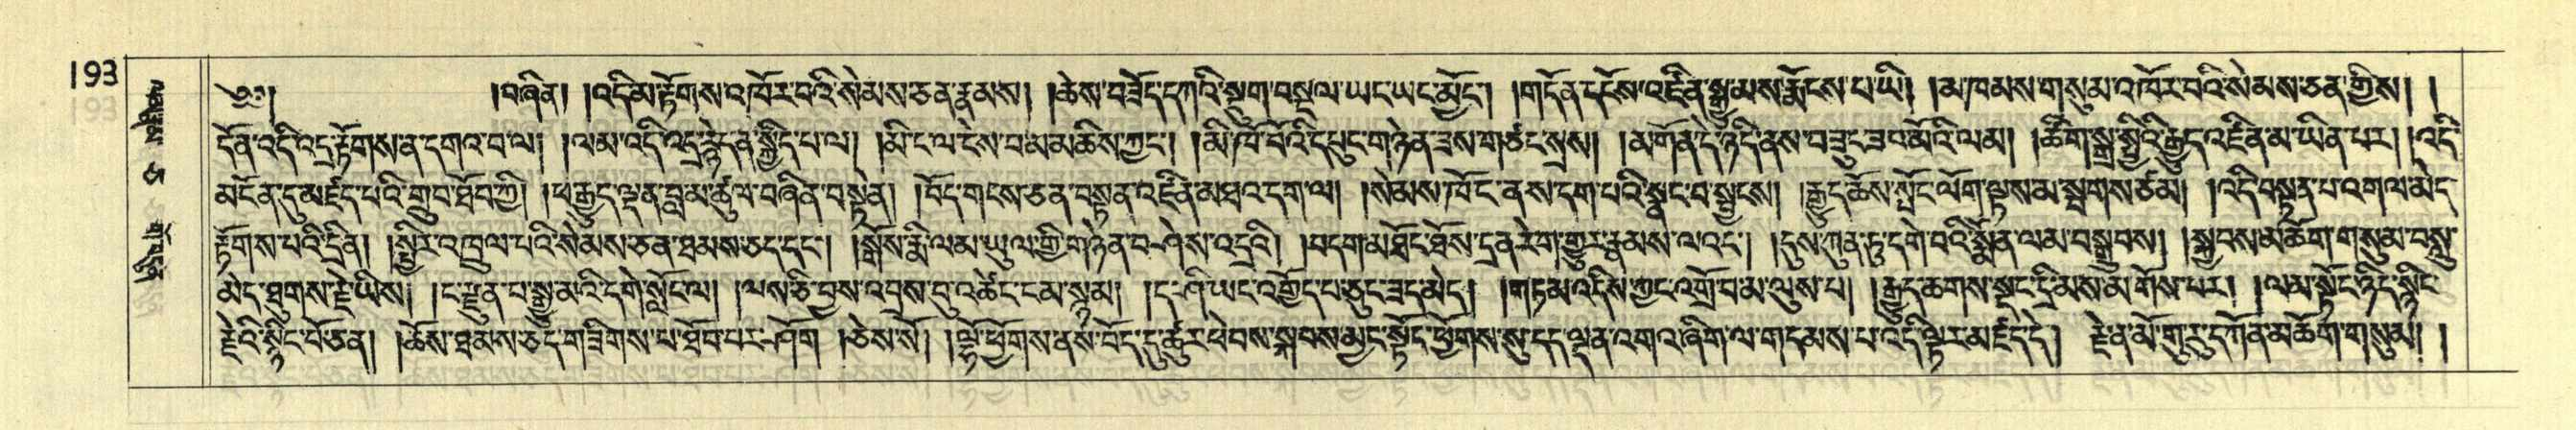༄༅། །བཞིན། །འདི་མ་རྟོགས་འཁོར་བའི་སེམས་ཅན་རྣམས། །ཆེས་བཟོད་དཀའི་སྡུག་བསྔལ་ཡང་ཡང་མྱོང་། །གདོན་དངོས་འཛིན་སྒྱུ་མས་རྨོངས་པ་ཡི། །མ་ཁམས་གསུམ་འཁོར་བའི་སེམས་ཅན་གྱིས། །
དོན་འདི་འདྲ་རྟོགས་ན་དགའ་བ་ལ། །ལམ་འདི་འདྲ་རྙེད་ན་སྐྱིད་པ་ལ། །མི་ང་ལ་ངེས་བ་མ་མཆིས་ཀྱང་། །མི་ཁོ་བོའི་དཔུང་གཉེན་ཟས་གཙང་སྲས། །མགོན་དེ་ཉིད་ནས་བཟུང་ཟབ་མོའི་ལམ། །ཚིག་སྒྲ་སྤྱིའི་རྒྱུད་འཛིན་མ་ཡིན་པར། །འདི་
མངོན་དུ་མཛད་པའི་གྲུབ་ཐོབ་ཀྱི། །ཕ་རྒྱུད་ལྡན་བླ་མ་ཚུལ་བཞིན་བསྟེན། །བོད་གངས་ཅན་བསྟན་འཛིན་མཐའ་དག་ལ། །སེམས་ཁོང་ནས་དག་པའི་སྣང་བ་སྦྱངས། །རྒྱུད་ཆོས་སྤོང་ལོག་ལྟས་མ་སྦགས་ཙམ། །འདི་བསྟན་པ་འགལ་མེད་
རྟོགས་པའི་དྲིན། །སྤྱིར་འཁྲུལ་པའི་སེམས་ཅན་ཐམས་ཅད་དང་། །སོགས་རྨི་ལམ་ཡུལ་གྱི་གཉེན་བཤེས་འདྲའི། །བདག་མཐོང་ཐོས་དྲན་རེག་གྱུར་རྣམས་ལའང་། །དུས་ཀུན་ཏུ་དགེ་བའི་སྨོན་ལམ་བསྒྲུབས། །སྐྱབས་མཆོག་གསུམ་བསླུ་
མེད་ཐུགས་རྗེ་ཡིས། །ང་རྫུན་པ་སྒྱུ་མའི་དགེ་སློང་ལ། །ལས་ཅི་བྱས་འབྲས་བུ་འཚེང་ངམ་སྙམ། །ད་ཤི་ཡང་འགྱོད་པ་ཅུང་ཟད་མེད། །གཏམ་འདིས་ཀྱང་འགྲོ་བ་མ་ལུས་པ། །རྒྱུད་ཆགས་སྡང་དྲི་མས་མ་གོས་པར། །ལམ་སྟོང་ཉིད་སྙིང་
རྗེའི་སྙིང་པོ་ཅན། །ཆོས་ཐམས་ཅད་གཟིགས་པ་ཐོབ་པར་ཤོག །ཅེས་སོ། །ལྷོ་ཕྱོགས་ནས་བོད་དུ་ཚུར་ཕེབས་སྐབས་མྱང་སྟོང་ཕྱོགས་སུ་དད་ལྡན་འགའ་ཞིག་ལ་གདམས་པ་འདི་ལྟར་མཛད་དེ། རྗེ་ན་མོ་གུ་རུ་དཀོན་མཆོག་གསུམ། །